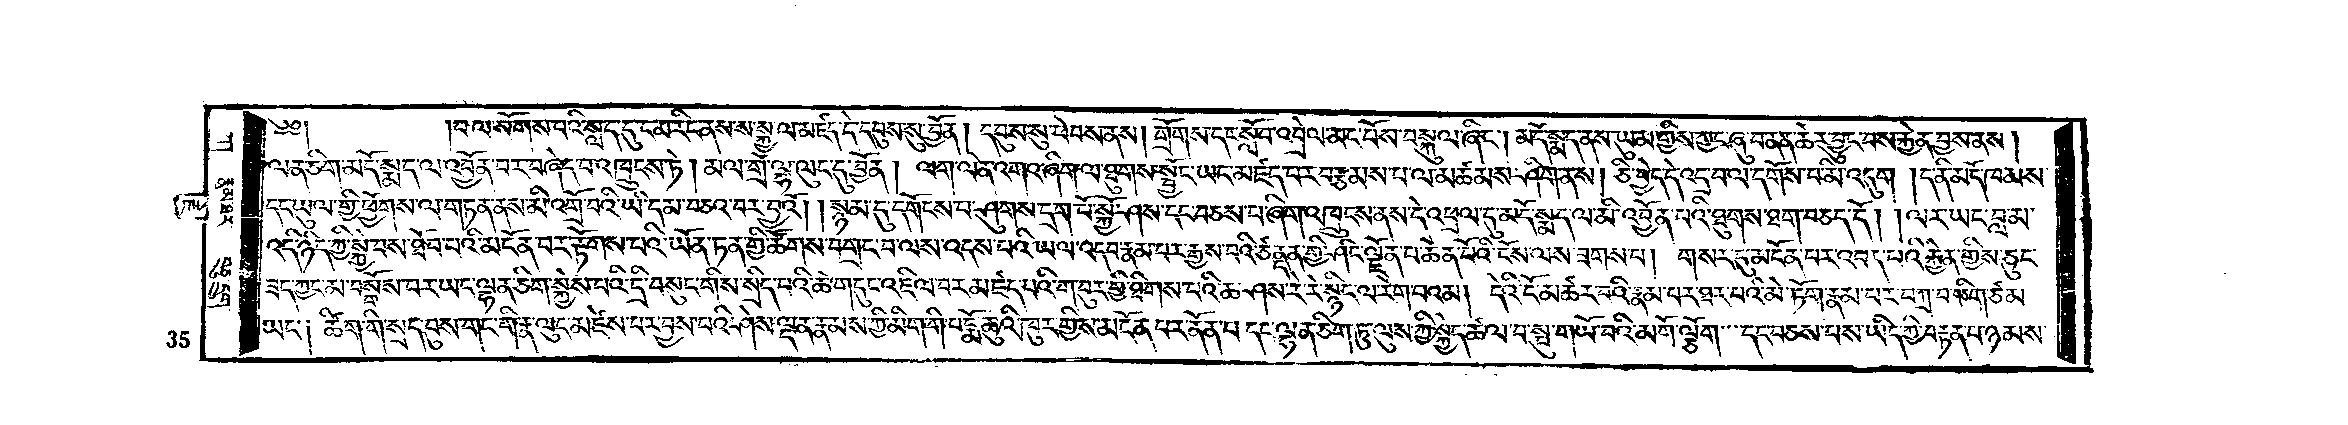༄༅། །བ་ལ་སོགས་པའི་སླད་དུ་ང་མ་རིང་ནས་ས་སྐྱ་ལ་མཛད་དེ་དབུས་སུ་བྱོན། དབུས་སུ་ཕེབས་ནས། གྲོགས་དང་སློབ་འབྲེལ་མང་པོས་བསྐུལ་ཞིང་། མདོ་སྨད་ནས་ཡུམ་གྱིས་ཀྱང་ཞུ་བ་ནན་ཆེར་བྱུང་བས་རྐྱེན་བྱས་ནས།
ལན་ཅིག་མདོ་སྨད་ལ་འབྱོན་པར་བཞེད་པ་འཁྲུངས་ཏེ། མལ་གྲོ་ལྷ་ལུང་དུ་བྱོན། ལག་ལེན་འགའ་ཞིག་ལ་ཐུགས་སྦྱོང་ཡང་མཛད་པར་བརྩམས་པ་ལ་མཚམས་ཤིག་ནས། ཅི་ཕྱེད་དེ་འདྲ་བ་ལ་དགོས་པ་མི་འདུག །ད་ནི་མདོ་ཁམས་
དང་ཡུལ་གྱི་ཕྱོགས་ལ་གཏན་ནས་མི་འགྲོ་བའི་ཡི་དམ་བཅའ་བར་བྱའོ། །སྙམ་དུ་དགོངས་པ་ཤུགས་དྲག་པོ་སྐྱོ་ཤས་དང་བཅས་པ་ཞིག་འཁྲུངས་ནས་དེ་འཕྲལ་དུ་མདོ་སྨད་ལ་མི་འབྱོན་པའི་ཐུགས་ཐག་བཅད་དོ། །ལར་ཡང་བླ་མ་
འདི་ཉིད་ཀྱི་སྐྱེ་བས་ཐོབ་པའི་མངོན་པར་རྟོགས་པའི་ཡོན་ཏན་གྱི་ཚོགས་བགྲང་བ་ལས་འདས་པའི་ཡལ་འདབ་རྣམ་པར་རྒྱས་པའི་ཙནྡན་གྱི་ཤིང་ལྗོན་པ་ཆེན་པོའི་ངོས་ལས་ཟགས་པ། གསར་དུ་མངོན་པར་འབད་པའི་རྐྱེན་གྱིས་ཅུང་
ཟད་ཀྱང་མ་བསྒོས་པར་ཡང་ལྷན་ཅིག་སྐྱེས་པའི་དྲི་བསུང་གིས་སྲིད་པའི་ཆེ་གདུང་འཇིལ་བར་མཛད་པའི་ག་བུར་གྱི་ཐིགས་པའི་ཆ་ཤས་རེ་རེ་སྙིང་ལ་རེག་བའམ། དེའི་ངོ་མཚར་བའི་རྣམ་པར་ཐར་པའི་མེ་ཏོག་རྣམ་པར་བཀྲ་བ་གཅིག་ཙམ་
ཡང༑ ཚིག་གི་སྲད་བུས་གང་གི་རྣ་ལུང་མཛེས་པར་བྱས་པའི་ཤེས་ལྡན་རྣམས་ཀྱི་མིག་གི་པདམོ་ཆུའི་ཁུར་གྱིས་མངོན་པར་ནོན་པ་དང་ལྷན་ཅིག་ཏུ་ལུས་ཀྱི་སྐྱེད་ཚལ་བ་སྤུ་གཡོ་བའི་མགོ་ལྕོག་དང་བཅས་པས་ཡིད་ཀྱི་བརྟན་པ་ཉམས་